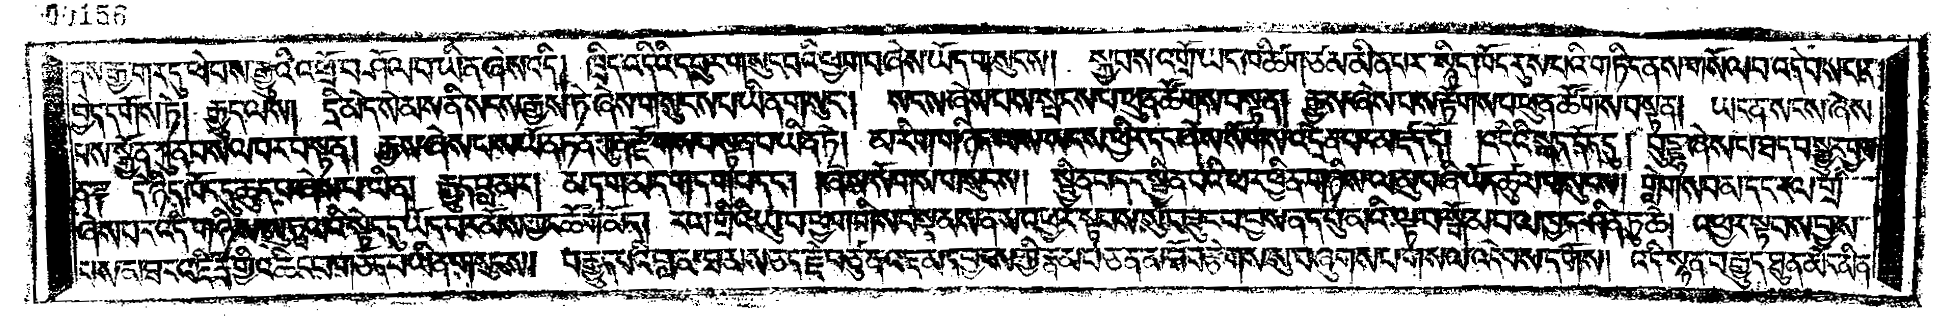ནས་རྒྱ་གར་དུ་ཕེབས་རྒྱུའི་འཕྲོ་བཤོལ་བ་ཡིན་ཞེས་འདི། ཁྲིད་འདིའི་དབུར་གསུང་བའི་ཕྱག་བཞེས་ཡོད་གསུངས། སྐྱབས་འགྲོ་ཡང་ཁ་ཚིག་ཙམ་མིན་པར་སྙིང་ཁོང་རུས་པའི་གཏིང་ནས་གསོལ་བ་འདེབས་པར་
བྱེད་དགོས་ཏེ། རྒྱུད་ལས། དྲི་མེད་སེམས་ནི་སངས་རྒྱས་ཏེ་ཞེས་གསུངས་པ་ཡིན་གསུང་། སངས་ཞེས་པས་སྤངས་པ་ཕུན་ཚོགས་བསྟན། རྒྱས་ཞེས་པས་རྟོགས་པ་ཕུན་ཚོགས་བསྟན། ཡང་ན་སངས་ཞེས་
པས་སྐྱོན་ཀུན་བསལ་བར་བསྟན། རྒྱས་ཞེས་པས་ཡོན་ཏན་ཀུན་རྫོགས་བསྟན་པ་ཡིན་ཏེ། མ་རིག་གཉིད་ལས་སངས་ཕྱིར་དང་ཞེས་སོགས་འདྲེན་པར་མཛད་དོ། །འདིའི་སྐད་དོད་དུ། བུདྡྷ་ཞེས་པ་ཐད་བསྒྱུར་བྱས་
ན༑ དེ་ཉིད་ཁོང་དུ་ཆུད་པ་ཞེས་པ་ཡིན། རྒྱུད་བླ་མར། མ་དག་མ་དག་དག་པ་དང་། །ཞེས་སོགས་གསུངས། སྦྱིན་པ་དང་སྦྱིན་པའི་ཕར་ཕྱིན་གཉིས་ལ་མུ་བཞི་ཡོད་ཚུལ་གསུངས། གླེགས་བམ་དང་རལ་གྲི་
ཞེས་པར་འདི་གཉིས་ཨུཏྤལའི་སྟེང་དུ་ཡོད་པར་མོས་ཀྱང་ཆོག་མོད། རལ་གྲིའི་ཡུ་བ་ཕྱག་གིས་བསྣམས་ནས་འཕྱར་སྟབས་སུ་བཟུང་བ་བྱས་ན་དབུ་མའི་ལྟ་བ་སྒོམ་པ་ལ་ཁྱད་ཤིན་ཏུ་ཆེ། འཕྱར་སྟབས་བྱས་
པས་མཐར་འཛིན་གྱི་འཆིང་བ་གཅོད་པ་ཡིན་གསུངས། བརྒྱུད་པའི་བླ་མ་ཐམས་ཅད་རྗེ་བཙུན་འཇམ་དབྱངས་ཀྱི་རྣམ་པ་ཅན་མཐོ་བརྩེགས་སུ་བཞུགས་པ་གསལ་འདེབས་དགོས། འདི་སྙན་བརྒྱུད་ཐུན་མོང་མིན་